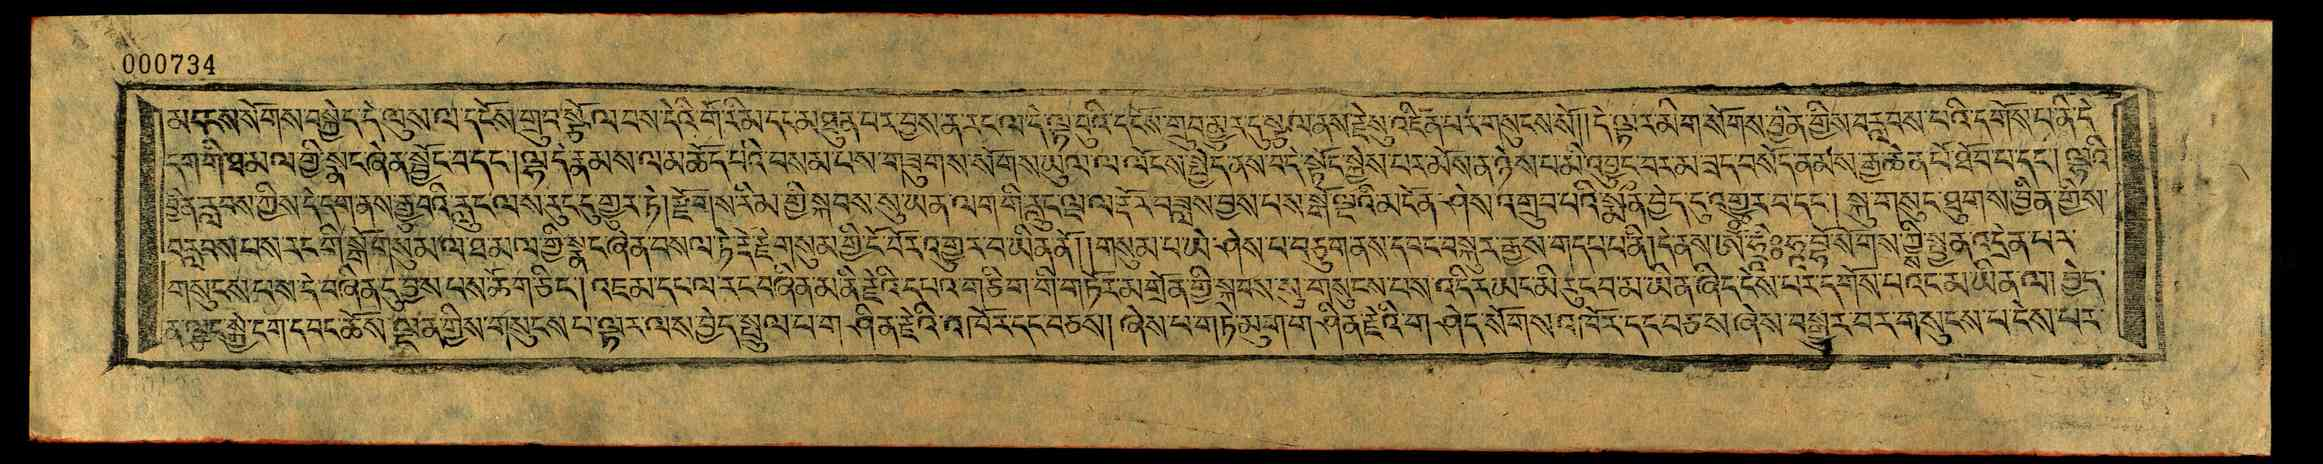མདངས་སོགས་བསྐྱེད་དེ་ལུས་ལ་དངོས་གྲུབ་སྩོལ་བས་དེའི་གོ་རིམ་དང་མཐུན་པར་བྱས་ན་རང་ལ་དེ་ལྟ་བུའི་དངོས་གྲུབ་མྱུར་དུ་སྩལ་ནས་རྗེས་སུ་འཛིན་པར་གསུངས་སོ། །དེ་ལྟར་མིག་སོགས་བྱིན་གྱིས་བརླབས་པའི་དགོས་པ་ནི་དེ་
དག་གི་ཐ་མལ་གྱི་སྣང་ཞེན་སྦྱོང་བ་དང་། ལྷ་དེ་རྣམས་ལ་མཆོད་པའི་བསམ་པས་གཟུགས་སོགས་ཡུལ་ལ་ལོངས་སྤྱད་ནས་བདེ་སྟོང་སྐྱེས་པར་མོས་ན་ཉེས་པ་མི་འབྱུང་བར་མ་ཟད་བསོད་ནམས་རྒྱ་ཆེན་པོ་ཐོབ་པ་དང་། ལྷའི་
བྱིན་རླབས་ཀྱིས་དེ་དག་ནས་རྒྱུ་བའི་རླུང་ལས་རུང་དུ་གྱུར་ཏེ། རྫོགས་རིམ་གྱི་སྐབས་སུ་ཡན་ལག་གི་རླུང་ལྔ་ལ་རྡོར་བཟླས་བྱས་པས་སྒོ་ལྔའི་མངོན་ཤེས་འགྲུབ་པའི་སྨིན་བྱེད་དུ་འགྱུར་བ་དང་། སྐུ་གསུང་ཐུགས་བྱིན་གྱིས་
བརླབས་པས་རང་གི་སྒོ་གསུམ་ལ་ཐ་མལ་གྱི་སྣང་ཞེན་བསལ་ཏེ་རྡོ་རྗེ་གསུམ་གྱི་ངོ་བོར་འགྱུར་བ་ཡིན་ནོ། །གསུམ་པ་ཡེ་ཤེས་པ་བཅུག་ནས་དབང་བསྐུར་རྒྱས་གདབ་པ་ནི། དེ་ནས་ཨོཾ་ཧྲཱིཿ ཧཱ་བྷོ་སོགས་ཀྱི་སྤྱེན་འདྲེན་པར་
གསུངས་པས་དེ་བཞིན་དུ་བྱས་པས་ཆོག་ཅིང་། འཇམ་དཔལ་རང་བཞིན་མ་ནི་རྗེའི་དཔའ་གཅིག་གི་གཏོར་མགྲོན་གྱི་སྐབས་སུ་གསུངས་པས་འདིར་ཡང་མི་རུང་བ་མ་ཡིན་ཞིང་ངེས་པར་དགོས་པའང་མ་ཡིན་ལ། བྱེད་
ན་ལྕང་སྐྱ་ངག་དབང་ཆོས་ལྡན་གྱིས་གསུངས་པ་ལྟར་ལས་བྱེད་སྤྲུལ་པ་གཤིན་རྗེའི་འཁོར་དང་བཅས། ཞེས་པ་གཏི་མུག་གཤིན་རྗེའི་གཤེད་སོགས་འཁོར་དང་བཅས་ཞེས་བསྒྱུར་བར་གསུངས་པ་ངེས་པར་